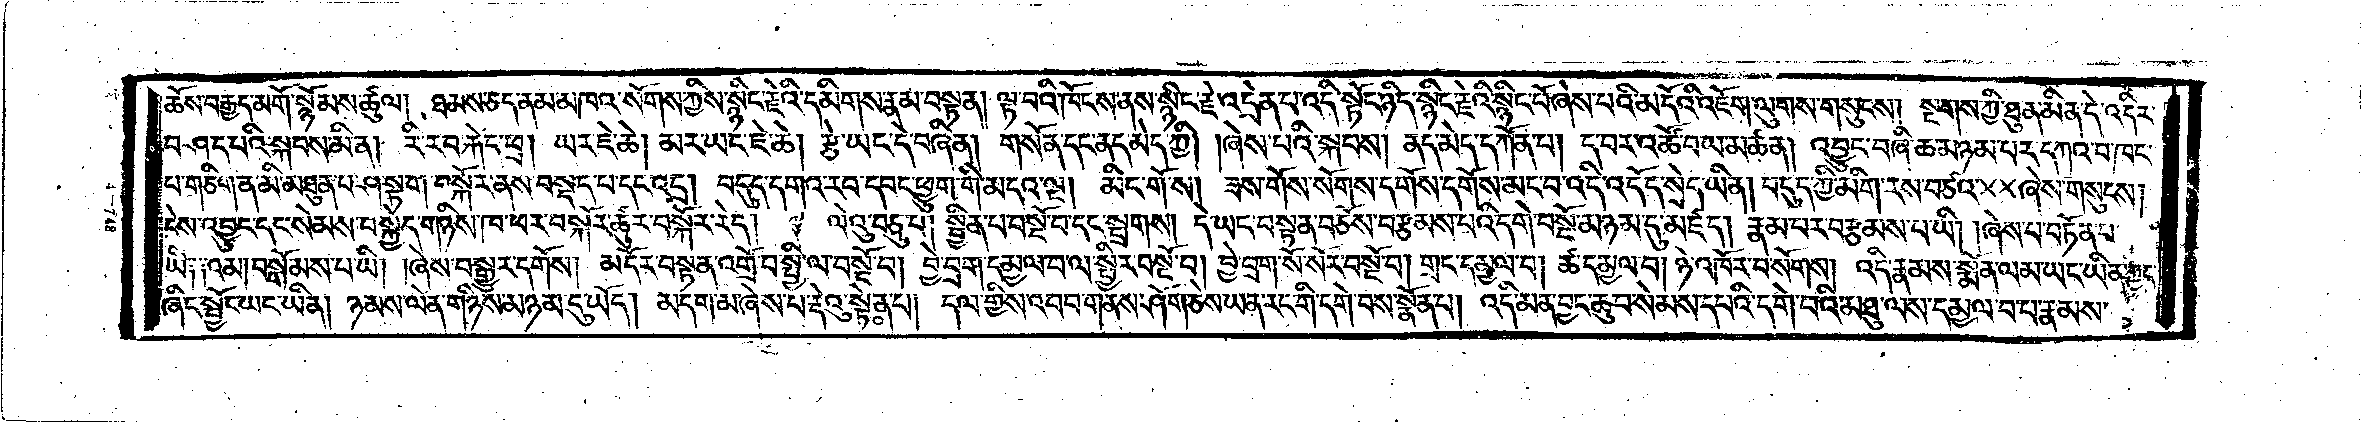ཆོས་བརྒྱད་མགོ་སྙོམས་ཚུལ། ཐམས་ཅད་ནམ་མཁའ་སོགས་ཀྱིས་སྙིང་རྗེའི་དམིགས་རྣམ་བསྟན། ལྟ་བའི་ཁོངས་ནས་སྙིང་རྗེ་འདྲེན་པ་འདི་སྟོང་ཉིད་སྙིང་རྗེའི་སྙིང་པོ་ཞེས་པའི་མདོའི་འཇོག་ལུགས་གསུངས། སྔགས་ཀྱི་ཐུན་མིན་དེ་འདིར་
བཤད་པའི་སྐབས་མིན། རི་རབ་རྐེད་ཕྲ། ཡར་ཇེ་ཆེ། མར་ཡང་ཇེ་ཆེ། རྩེ་ཡང་དེ་བཞིན། གསོན་དང་ནད་མེད་ཀྱི། །ཞེས་པའི་སྐབས། ནད་མེད་དཀོན་པ། ད་བར་འཚོ་བ་ཡ་མཚན། འབྱུང་བཞི་ཆ་མཉམ་པར་དཀའ་བ་ཁང་
པ་གཅིག་ན་མི་མཐུན་པ་ཤ་སྟག་བསྐོར་ནས་བསྡད་པ་དང་འདྲ། བདུད་དགའ་རབ་དབང་ཕྱུག་གི་མདའ་ལྔ། མིང་གོ་ས། ཟས་གོས་སོགས་དགོས་དགོས་མང་བ་འདི་འདོད་སྲེད་ཡིན། བདུད་ཀྱི་མིག་རས་བཙའ་྾་྾་ཞེས་གསུངས།
ངེས་འབྱུང་དང་སེམས་བསྐྱེད་གཉིས་ཁ་ཕར་བསྐོར་ཚུལ་བསྐོར་རེད། ༈ ལེའུ་བཅུ་པ། སྦྱིན་པ་བསྔོ་བ་དང་སྤྲགས། དེ་ཡང་བསྟན་བཅོས་བརྩམས་པའི་དགེ་བསྔོ་མཉམ་དུ་མཛད། རྣམ་པར་བརྩམས་པ་ཡི། །ཞེས་པ་བཏོན་པ་
ཡི༑ ༑འམ། བསྒོམས་པ་ཡི། །ཞེས་བསྒྱུར་དགོས། མདོར་བསྟན་འགྲོ་བ་སྤྱི་ལ་བསྔོ་བ། བྱེ་བྲག་དམྱལ་བ་ལ་སྤྱིར་བསྔོ་བ། བྱེ་བྲག་སོ་སོར་བསྔོ་བ། གྲང་དམྱལ་བ། ཚ་དམྱལ་བ། ཉེ་འཁོར་བ་སོགས། འདི་རྣམས་སྨོན་ལམ་ཡང་ཡིན་ཀྱང་
ཞིང་སྦྱོང་ཡང་ཡིན། ཉམས་ལེན་གཉིས་མཉམ་དུ་ཡོད། མདག་མ་ཞེས་པ་རྡུའུ་སྟེན་པ། དལ་གྱིས་འབབ་གནས་ཤོག་ཅེས་ཡན་རང་གི་དགེ་བས་སྣོན་པ། འདི་མན་བྱང་ཆུབ་སེམས་དཔའི་དགེ་བའི་མཐུ་ལས་དམྱལ་བ་པ་རྣམས་